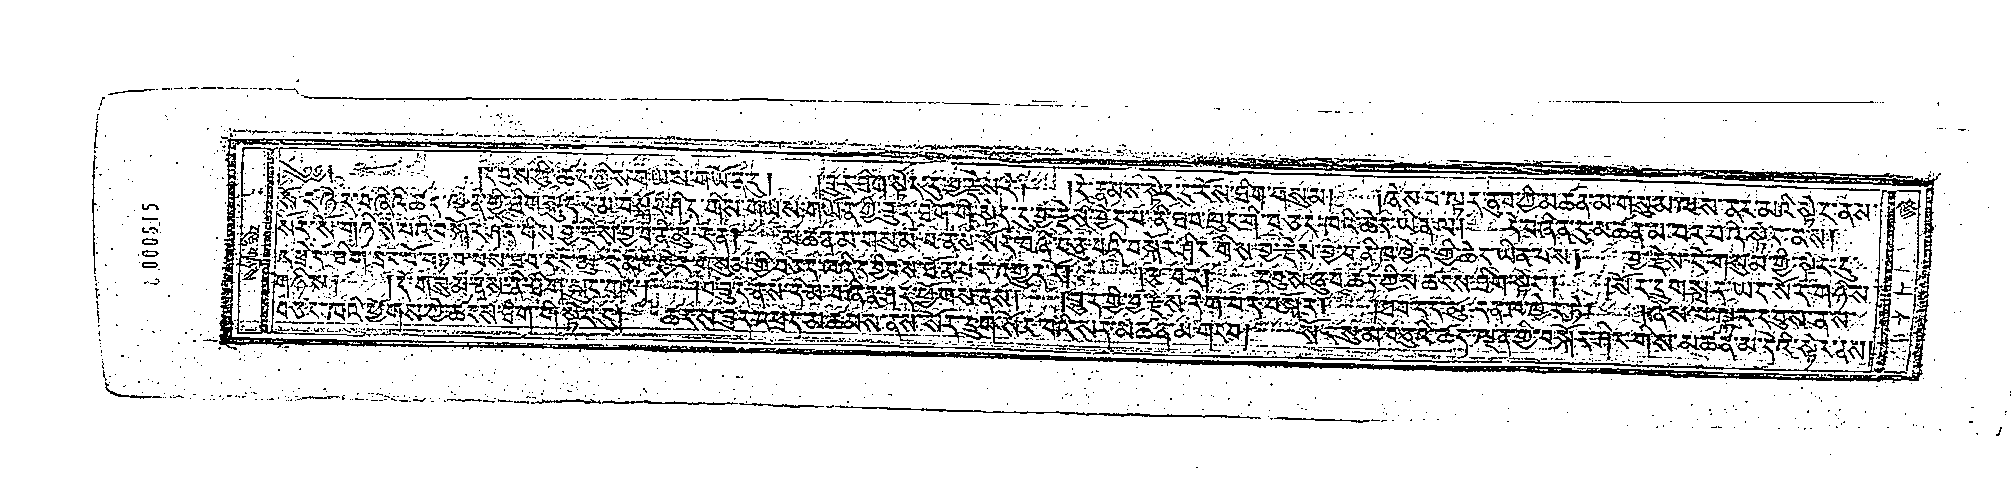༄༅། །དབུས་ཀུཨི?་ཚང་ཀྱིས་གཡས་གཡོན་དུ། །ཟུར་ཐིག་སྟེང་དུ་བྱ་རྗེས་རེ། །དེ་རྣམས་སྟེང་དུ་ངོས་ཐིག་གསུམ། །ཞེས་པ་ལྟར་ནུབ་ཀྱི་མཚན་མ་གསུམ་ལས་ནང་མའི་སྟེང་ནས་
སོར་ཉེར་བཞིའི་ཚད་ལྡན་གྱི་ཐིག་སྐུད་དམ་བསྐོར་ཤིང་གིས་གཡས་གཡོན་གྱི་ཟུར་ཐིག་གི་སྟེང་དུ་བྱ་རྗེས་བྱེད་པ་ནི་ཐབ་ཁུང་གི་བཅད་ཁའི་ཆེད་ཡིན་ལ། དེ་བཞིན་དུ་མཚན་མ་བར་བའི་སྟེང་ནས།
སོར་སོ་གཉིས་པའི་བསྐོར་ཤིང་གིས་བྱ་རྗེས་བྱ་བ་ནི་མུ་རན། མཚན་མ་གསུམ་པ་ནས་སོར་བཞི་བཅུ་པའི་བསྐོར་ཤིང་གིས་བྱ་རྗེས་བྱ་བ་ནི་ཁ་ཁྱེར་གྱི་ཆེད་ཡིན་པས། བྱ་རྗེས་དེ་གསུམ་གྱི་སྟེང་དུ་
འཕྲེད་ཐིག་དྲང་པོ་བཏབ་པས་ཐབ་དང་མུ་རན་ཁ་ཁྱེར་གསུམ་གྱི་བཅད་ཁའི་དབྱིབས་ཐོན་པར་འགྱུར་རོ། །རྩ་བར། དབུས་ཞུབ་ཚད་ཀྱིས་ཚངས་ཐིག་སྟེང་། །སོར་དྲུག་སླར་ཡང་སོར་གཉིས་
གཉིས། །དེ་གསུམ་ནས་ནི་ཐིག་སྐུང་གང་། །བཟུང་ནས་རིམ་བཞིན་ཤར་ཕྱོགས་ནས། །ཟུར་གྱི་བྱ་རྗེས་རེག་པར་བསྐོར། །ཐབ་དད་མུ་རན་ཁ་ཁྱེར་ཏེ། །ཞེས་པ་ལྟར་དབུས་ནས་
བཅད་ཁའི་ཕྱོགས་ཀྱི་ཚངས་ཐིག་གི་སྟེང་དུ། ཚངས་ཟུར་འཕྲད་མཚམས་ནས་སོར་དྲུག་སོང་བའི་སར་མཚན་མ་གདབ། སོར་སུམ་བཅུའི་ཚད་ལྡན་གྱི་བསྐོར་ཤིང་གིས་མཚན་མ་དེའི་སྟེང་ནས།